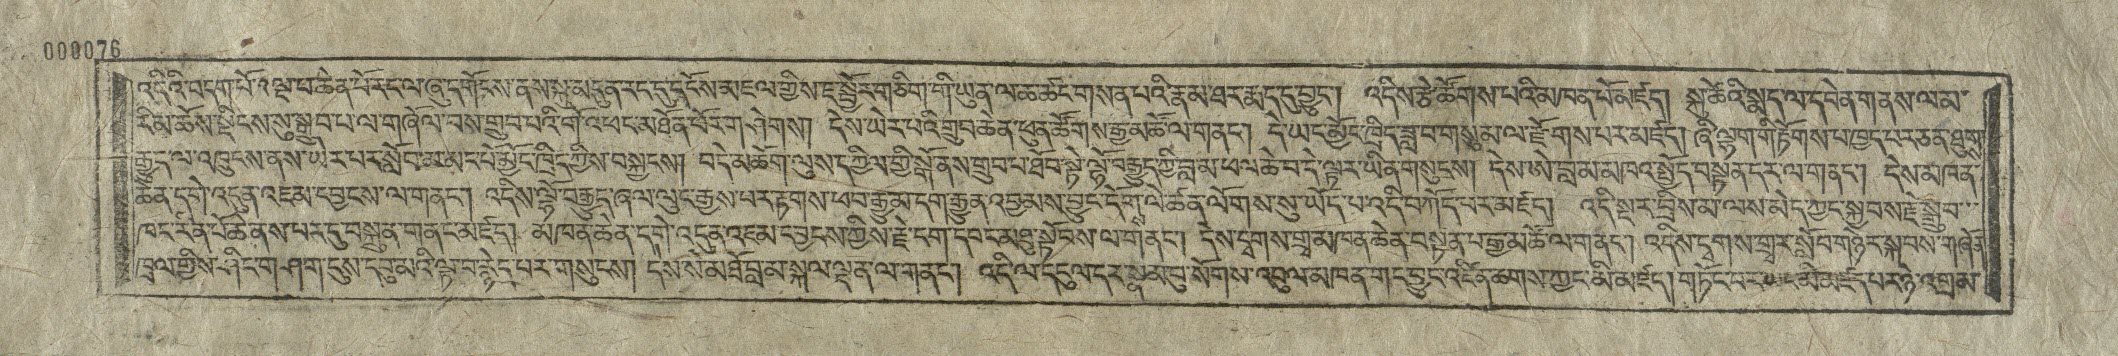འདིའི་བདག་པོ་༧ལྔ་?་པ་ཆེན་པོ་རང་ལ་ཞུ་དགོངས་ནས་སྐུ་མདུན་རང་དུ་དངོས་མཇལ་གྱིས་ཇ་སྦྱོར་གཅིག་གི་ཡུན་ལ་ཆ་ཚང་གསན་པའི་རྣམ་ཐར་རྨད་དུ་བྱུང་། འདིས་རྩེ་ཚོགས་པའི་མཁན་པོ་མཛད། སྐུ་ཚེའི་སྨད་ལ་དབེན་གནས་ལམ་
རིམ་ཆོས་སྡིངས་སུ་སྒྲུབ་པ་ལ་གཞོལ་བས་གྲུབ་པའི་གོ་འཕང་མཐོན་པོར་གཤེགས། དེས་ཡེར་པའི་གྲུབ་ཆེན་ཕུན་ཚོགས་རྒྱ་མཚོ་ལ་གནང་། དེ་ཡང་མྱོང་ཁྲིད་ཟླ་བ་གསུམ་ལ་རྫོགས་པར་མཛད། ཞི་ལྷག་གི་རྟོགས་པ་ཁྱད་པར་ཅན་ཐུགས་
རྒྱུད་ལ་འཁྲུངས་ནས་ཡེར་པར་སློབ་མ་མང་པོ་མྱོང་ཁྲིད་ཀྱིས་བསྐྱངས། བདེ་མཆོག་ལུས་དཀྱིལ་གྱི་སྒོ་ནས་གྲུབ་པ་ཐོབ་སྟེ་ལྷོ་བརྒྱུད་ཀྱི་བླ་མ་ཕལ་ཆེ་བ་དེ་ལྟར་ཡིན་གསུངས། དེས་ཨེ་བླ་མ་མཁའ་སྤྱོད་བསྟན་དར་ལ་གནང་། དེས་མཁན་
ཆེན་དགེ་བདུན་འཇམ་དབྱངས་ལ་གནང་། འདིས་ལྷོ་བརྒྱུད་ཞལ་ལུང་རྒྱས་པར་རྟགས་ཕབ་རྒྱུ་མ་དག་རྒྱུན་འབྱམས་བྱུང་དོགས་ལེ་ཚན་ལོགས་སུ་ཡོད་པ་འདི་བཀོད་པར་མཛད། འདི་སྔར་བྲིས་མ་ལས་མེད་ཀྱང་སྐྱབས་རྗེ་སྒྲུབ་
ཁང་རིན་པོ་ཆེ་ནས་པར་དུ་བསྐྲུན་གནང་མཛད། མཁན་ཆེན་དགེ་འདུན་འཇམ་དབྱངས་ཀྱིས་རྗེ་ངག་དབང་མཐུ་སྟོབས་ལ་གནང་། དེས་དྭགས་གྲྭ་མཁན་ཆེན་བསྟན་པ་རྒྱ་མཚོ་ལ་གནང་། འདིས་དྭགས་གྲྭར་སློབ་གཉེར་སྐབས་གཞོན་
ཁྲལ་གྱིས་ཤིང་གཤག་དུས་དབུ་མའི་ལྟ་བ་རྙེད་པར་གསུངས། དེས་སེ་མཐོ་བླ་མ་སྐལ་ལྡན་ལ་གནང་། འདི་ལ་དངུལ་དར་སྣམ་བུ་སོགས་འབུལ་མཁན་གང་བྱུང་འཛིན་ཆགས་ཀྱང་མི་མཛད། གཏོང་བར་ཡང་མི་མཛད་པར་ཉེ་འགྲམ་